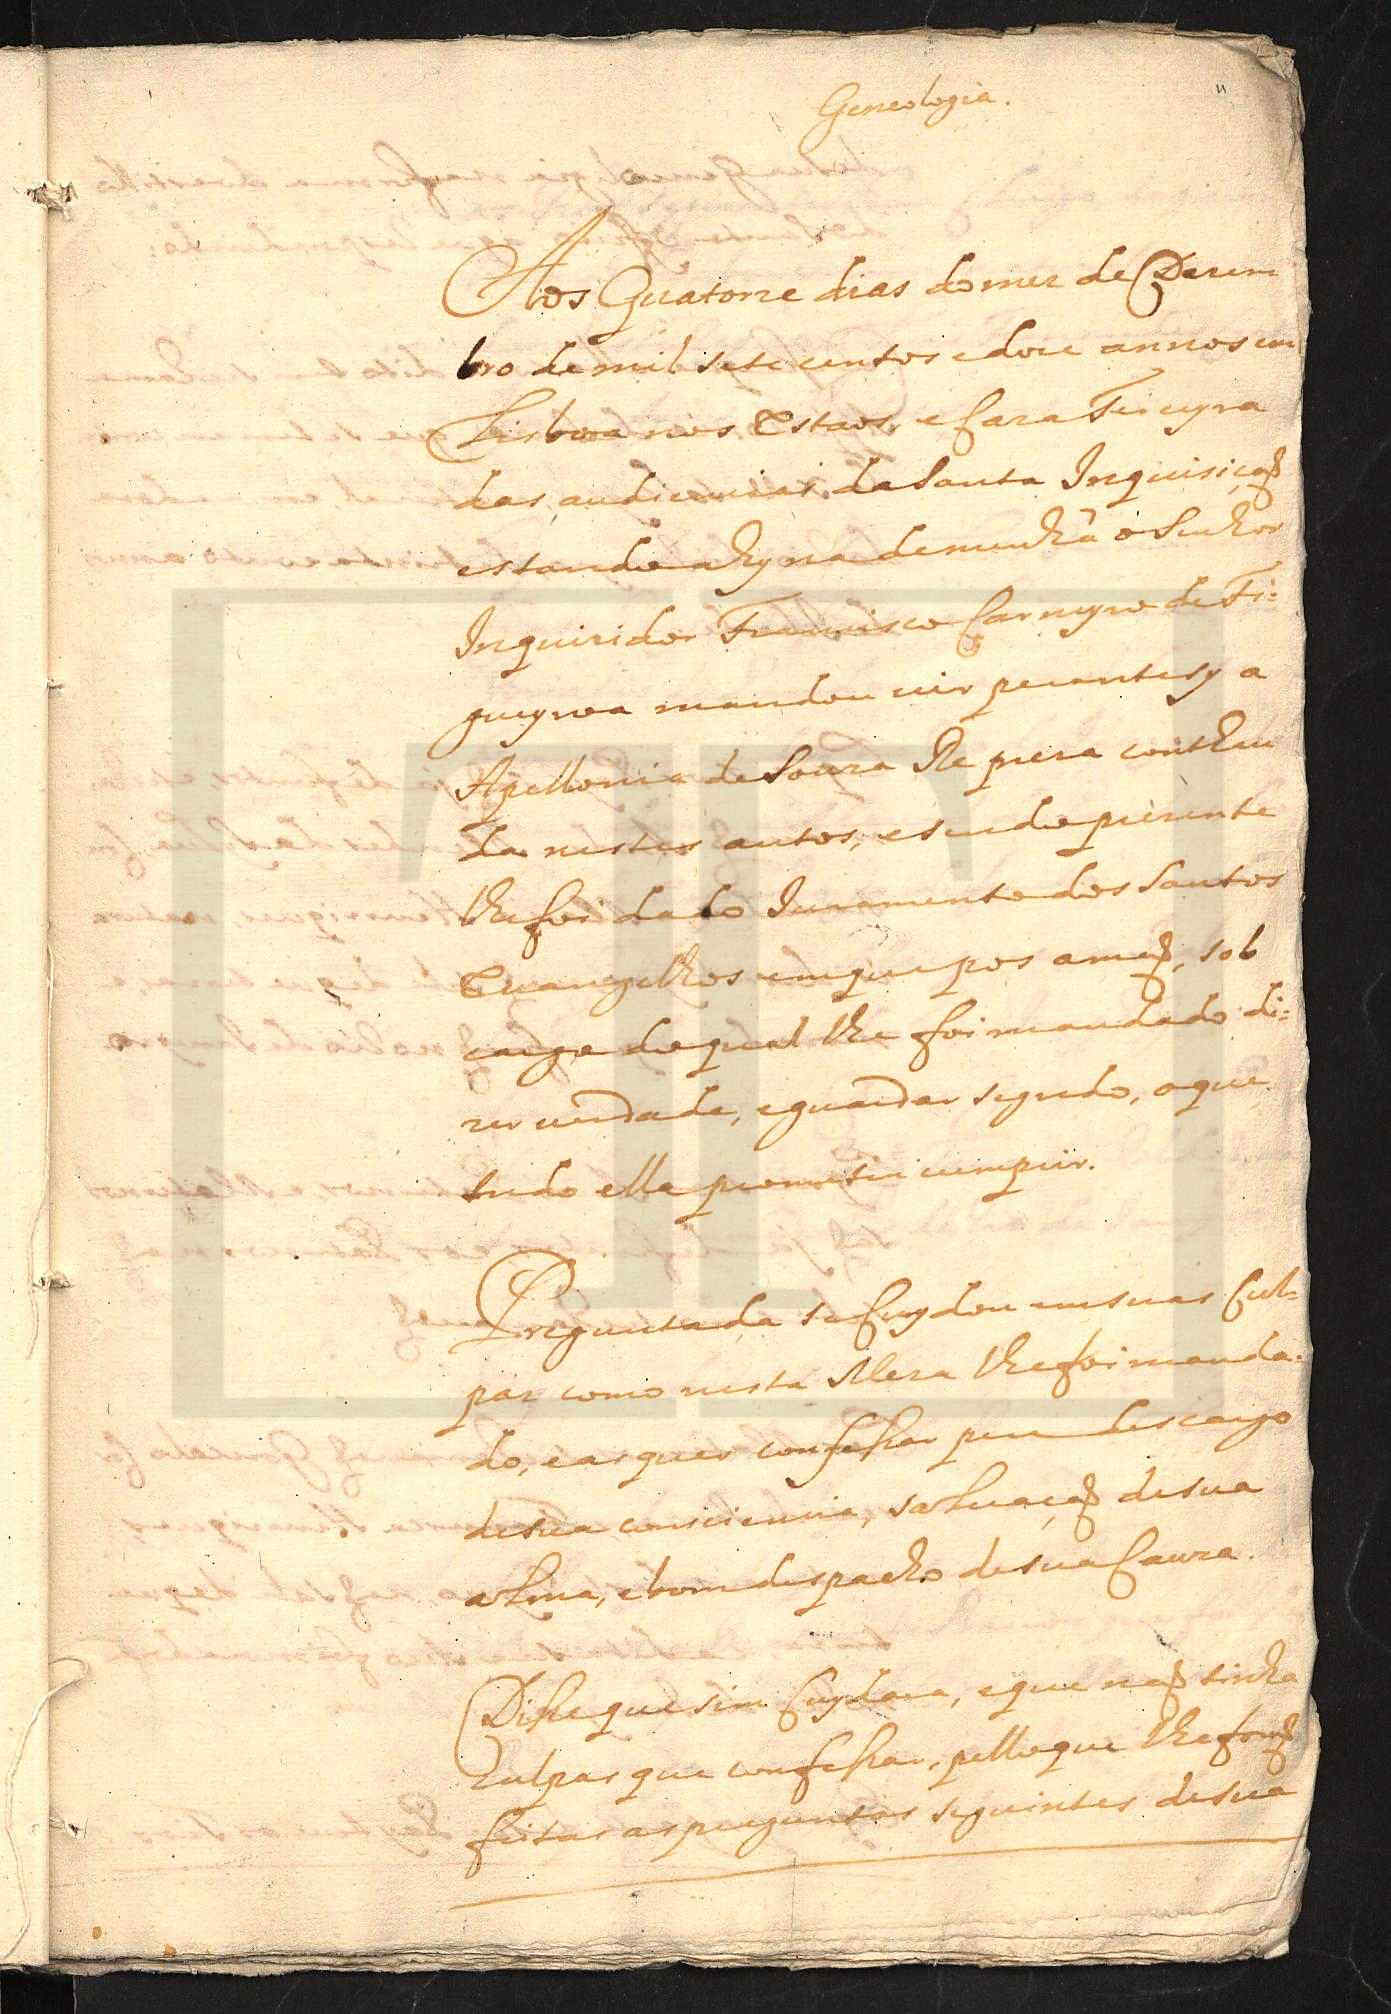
Geneologia.
Aos Quatorze dias do mez de Dezem
bro de mil setecentos e doze annos em
Lisboa nos Estaos, e Caza Terceyra
das audiemcias da Santa Inquisiçaõ
estando ahy na de menhã o Senhor
Inquizidor Francisco Carneyro de Fi
gueyroa mandou uir perante sy a
Apellonia de Souza Re preza contheu
da nestes autos, e sendo prezente
lhe foi dado Iuramento dos santos
Euangelhos em que pos a maõ, sob
cargo do qual lhe foi mandado di
zer uerdade, e guardar segredo, o que
tudo elle prometeu cumprir.
Preguntada se Cuydou em suas Cul
pas como nesta Meza lhe foi manda
do, e as quer confessar pera descargo
de sua consciencia, saluaçaõ de sua
alma, e bom despacho de sua Cauza.
Disse que sim Cuydara, e que naõ tinha
culpas que confessar, pello que lhe foraõ
feitas as perguntas seguintes de sua
